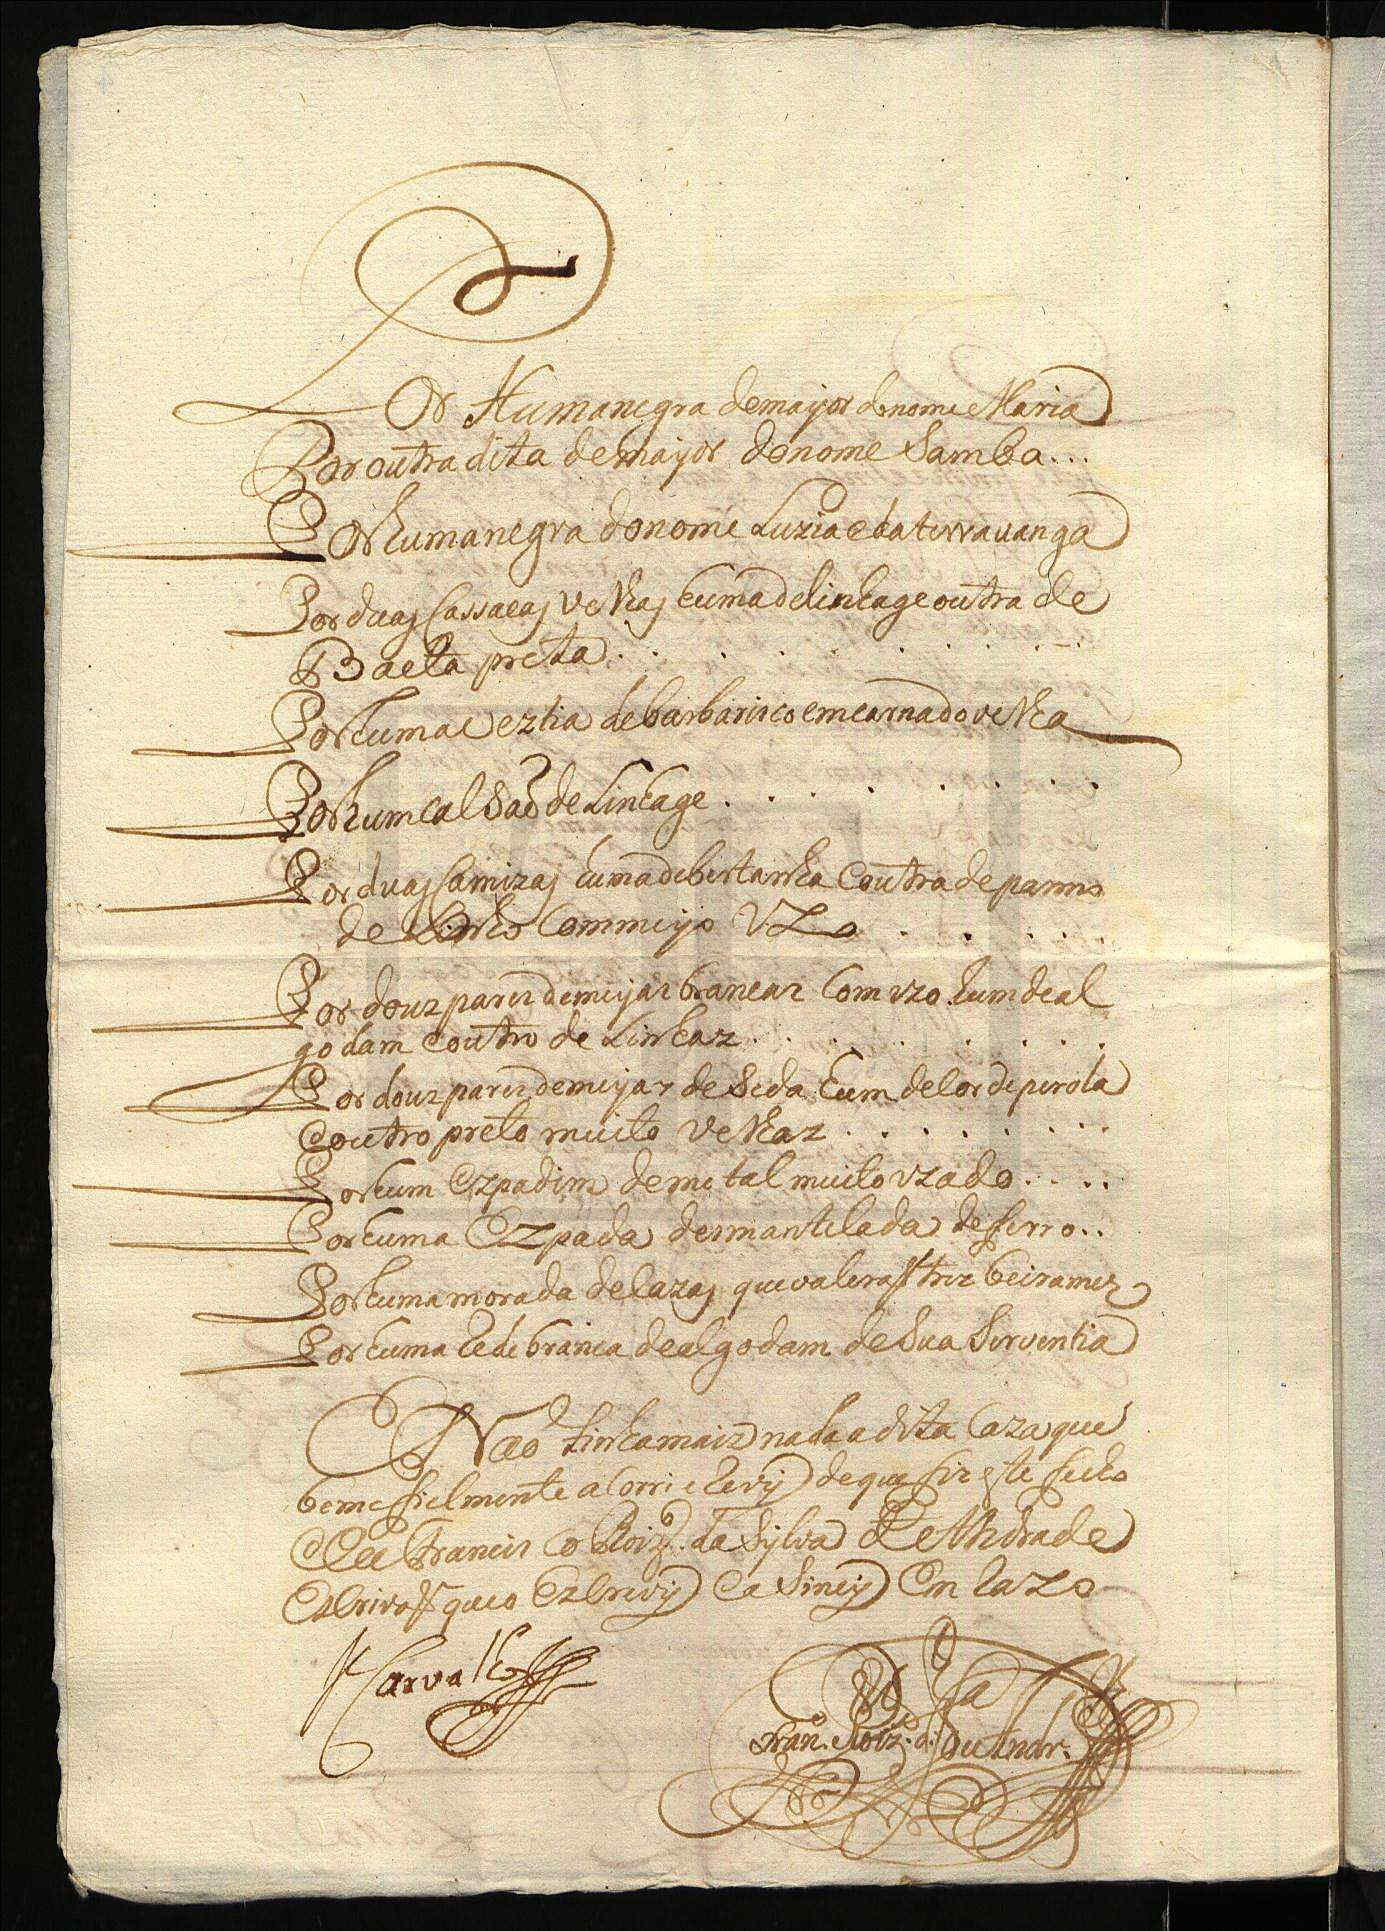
Por Huma negra de mayor do nome Maria
Por outra dita de mayor do nome Samba
Por huma negra do nome Luzia e da terrauanga
Por duas Cassacas velhas huma de linhage outra de
Baeta preta.
Por huma veztia de barbarisco emcarnado velha
Por hum calSaõ de Linhage.
Por duas Camizas huma de bertanha e outra de panno
de Linho Com meyo VZo
Por douz parez de meyas brancas Com vzo hum de al
godam e outro de Linhaz.
Por douz parez de meyas de Seda hum de cor de perola
e outro preto muito velhaz
Por hum ezpadim de metal muito vzado.
Por huma Ezpada desmantelada de ferro
Por huma morada de Cazas que valeraõ trez beiramez
Por huma Rede branca de algodam de Sua Serventia
E Naõ tinha maiz nada a dita Caza que
bem e fielmente a Corri e Revy de que fiz este fecho
E Eu Francisco Roiz̄ da Sylva d̄ Andrade
EsCrivaõ que o Ezcrevy E aSiney Em Razo
Je Carvalho
Franco Roiz̄ d̄ Andr.e
